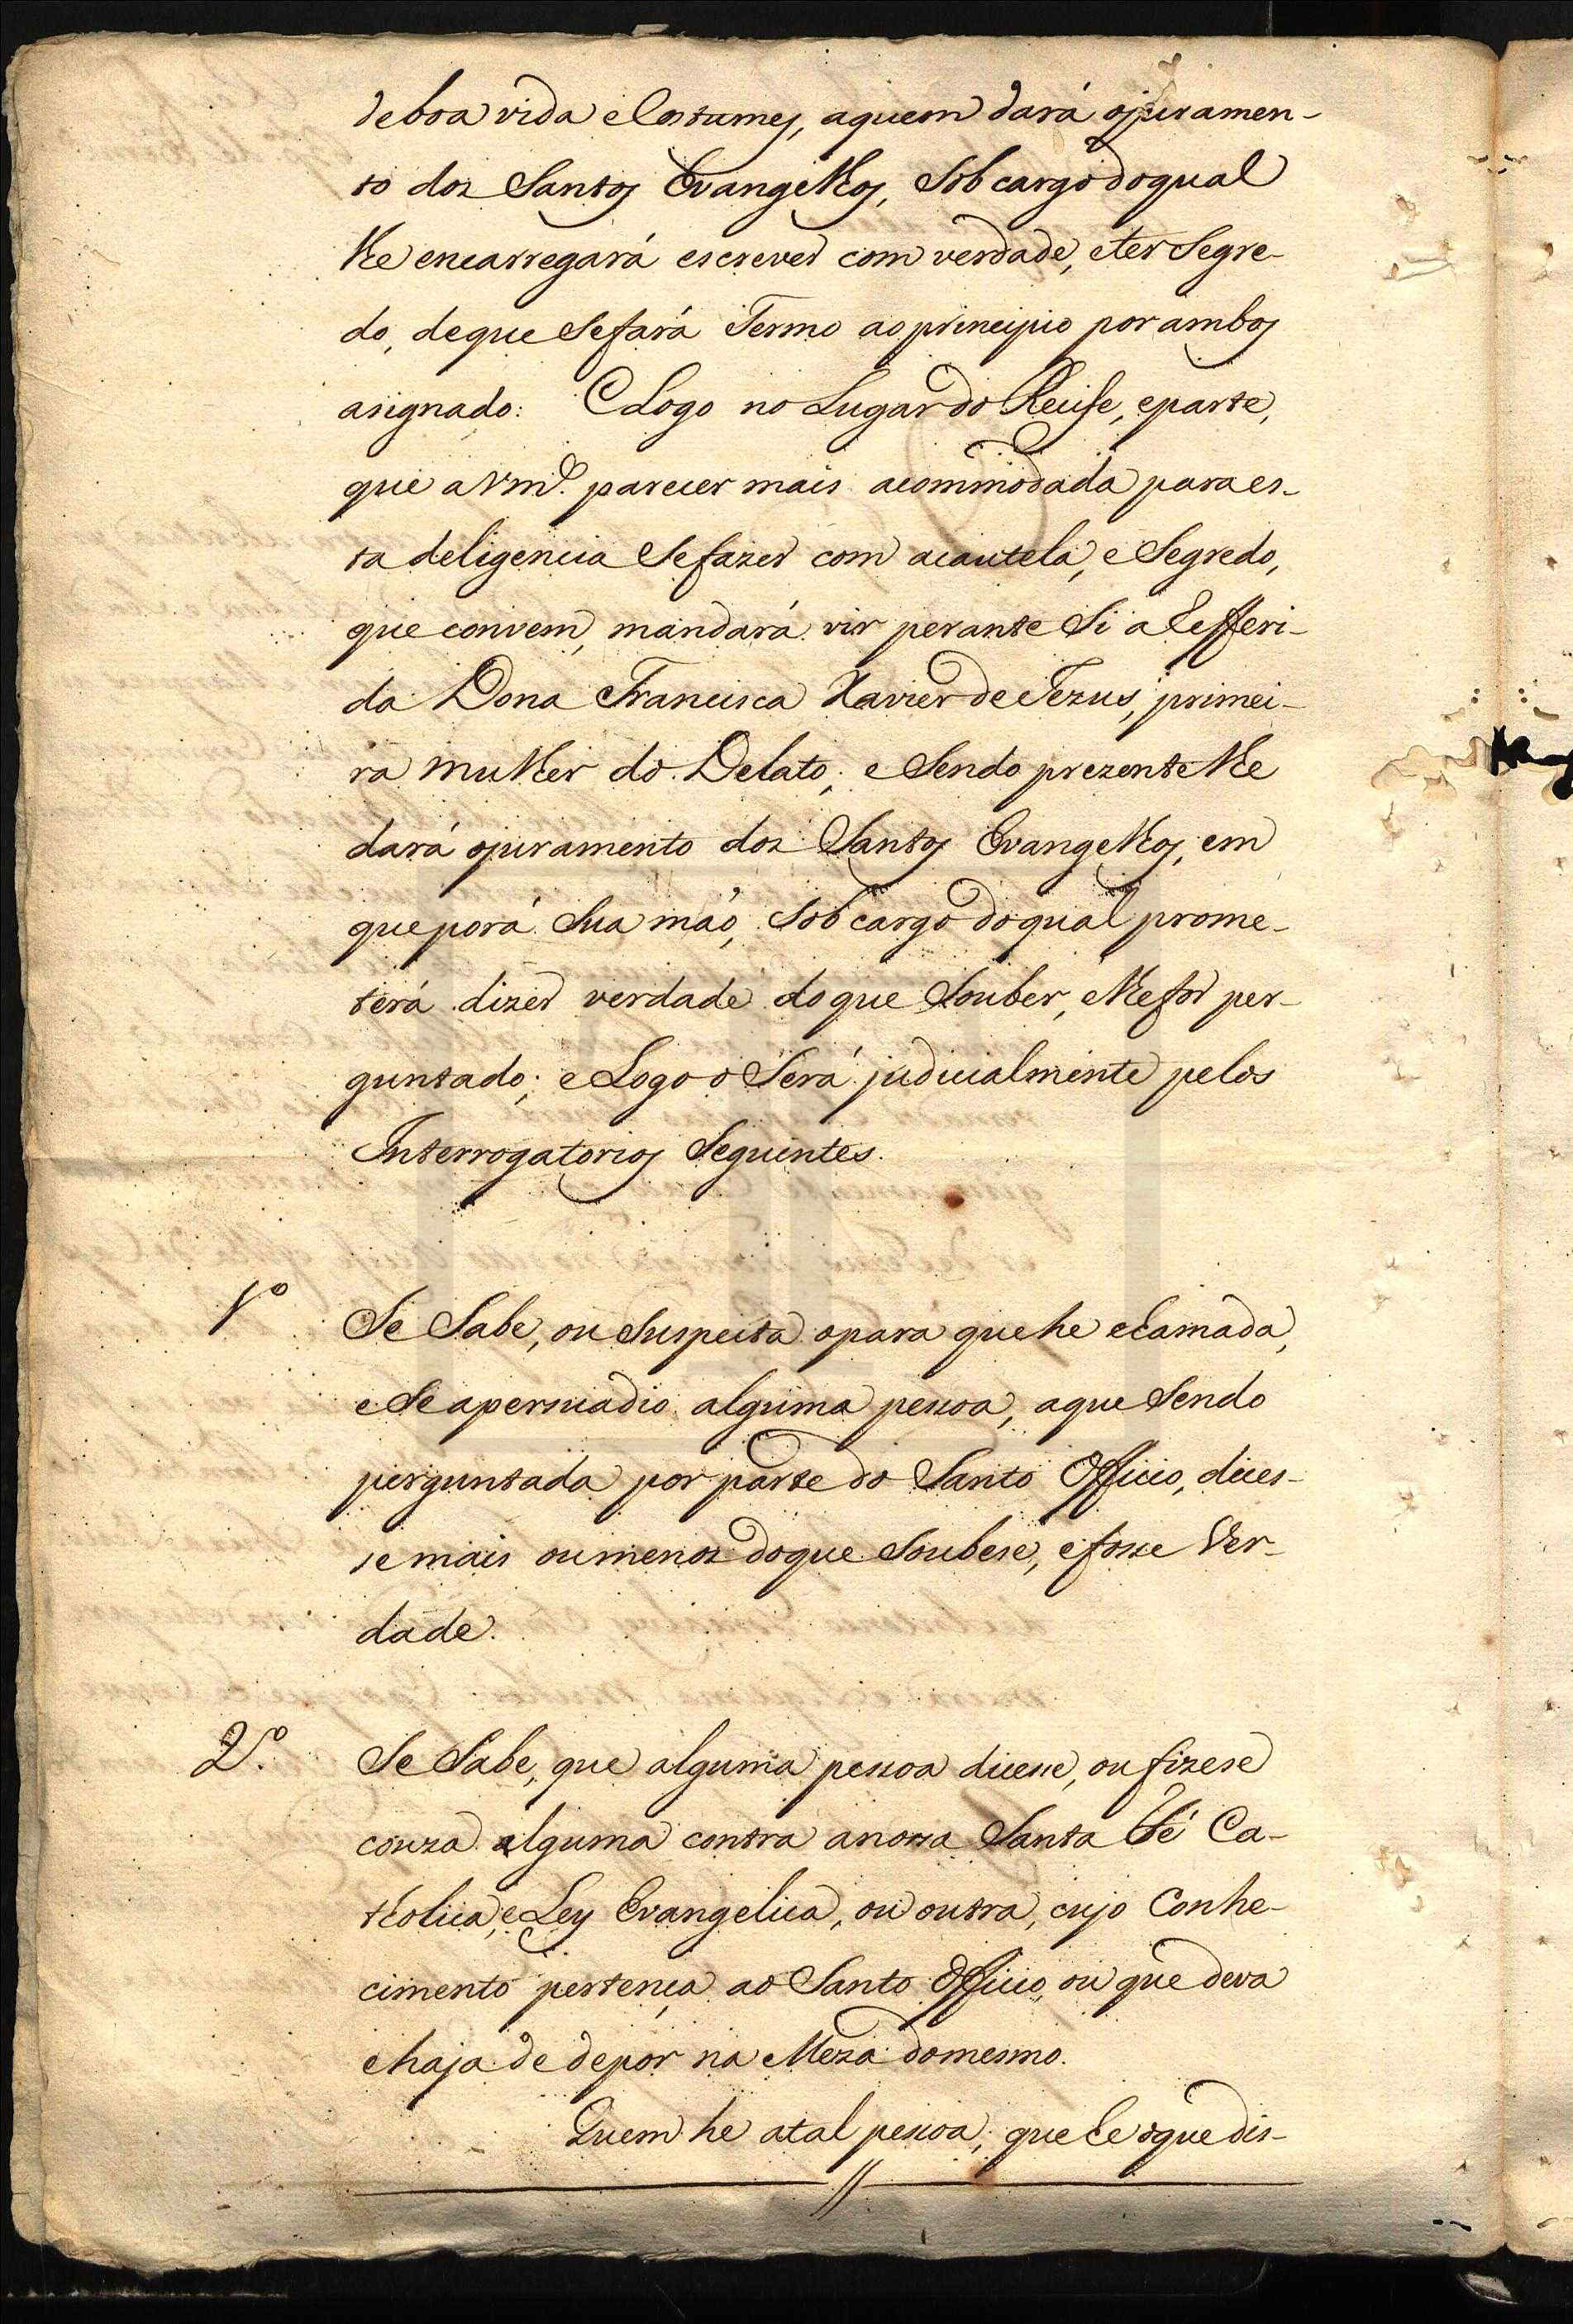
2.o
de boa vida e Costumes, a quem dará o juramen
to doz Santos Evangelhos, Sobcargo do qual
lhe encarregará escrever com verdade, e ter Segre
do, de que Se fará Termo ao principio por ambos
asignado: e Logo no Lugar do Recife, e parte,
que a vm.e parecer mais acommodada para es
ta deligencia Se fazer com a cautela, e Segredo,
que convem, mandará vir perante Si a Refferi
da Dona Francisca Xavier de Iezus, primei
ra mulher do Delato; e Sendo prezente lhe
dará o juramento doz Santos Evangelhos, em
que porá Sua maõ, Sobcargo do qual prome
terá dizer verdade do que Souber, e lhe for per
guntado, e Logo o Será judicialmente pelos
Interrogatorios Seguintes.
1o
Se Sabe, ou Suspeita o para que he chamada,
e Se a persuadio alguma pessoa, a que Sendo
perguntada por parte do Santo Officio, dices
se mais ou menos do que Soubese, e fosse Ver
dade.
Se Sabe, que alguma pessoa dicesse, ou fizese
couza alguma contra a nossa Santa Fé Ca
tholica, e Ley Evangelica, ou outra, cujo conhe
cimento pertença ao Santo Officio, ou que deva
e haja de depor na Meza do mesmo.
Quem he a tal pessoa, que he o que dis
